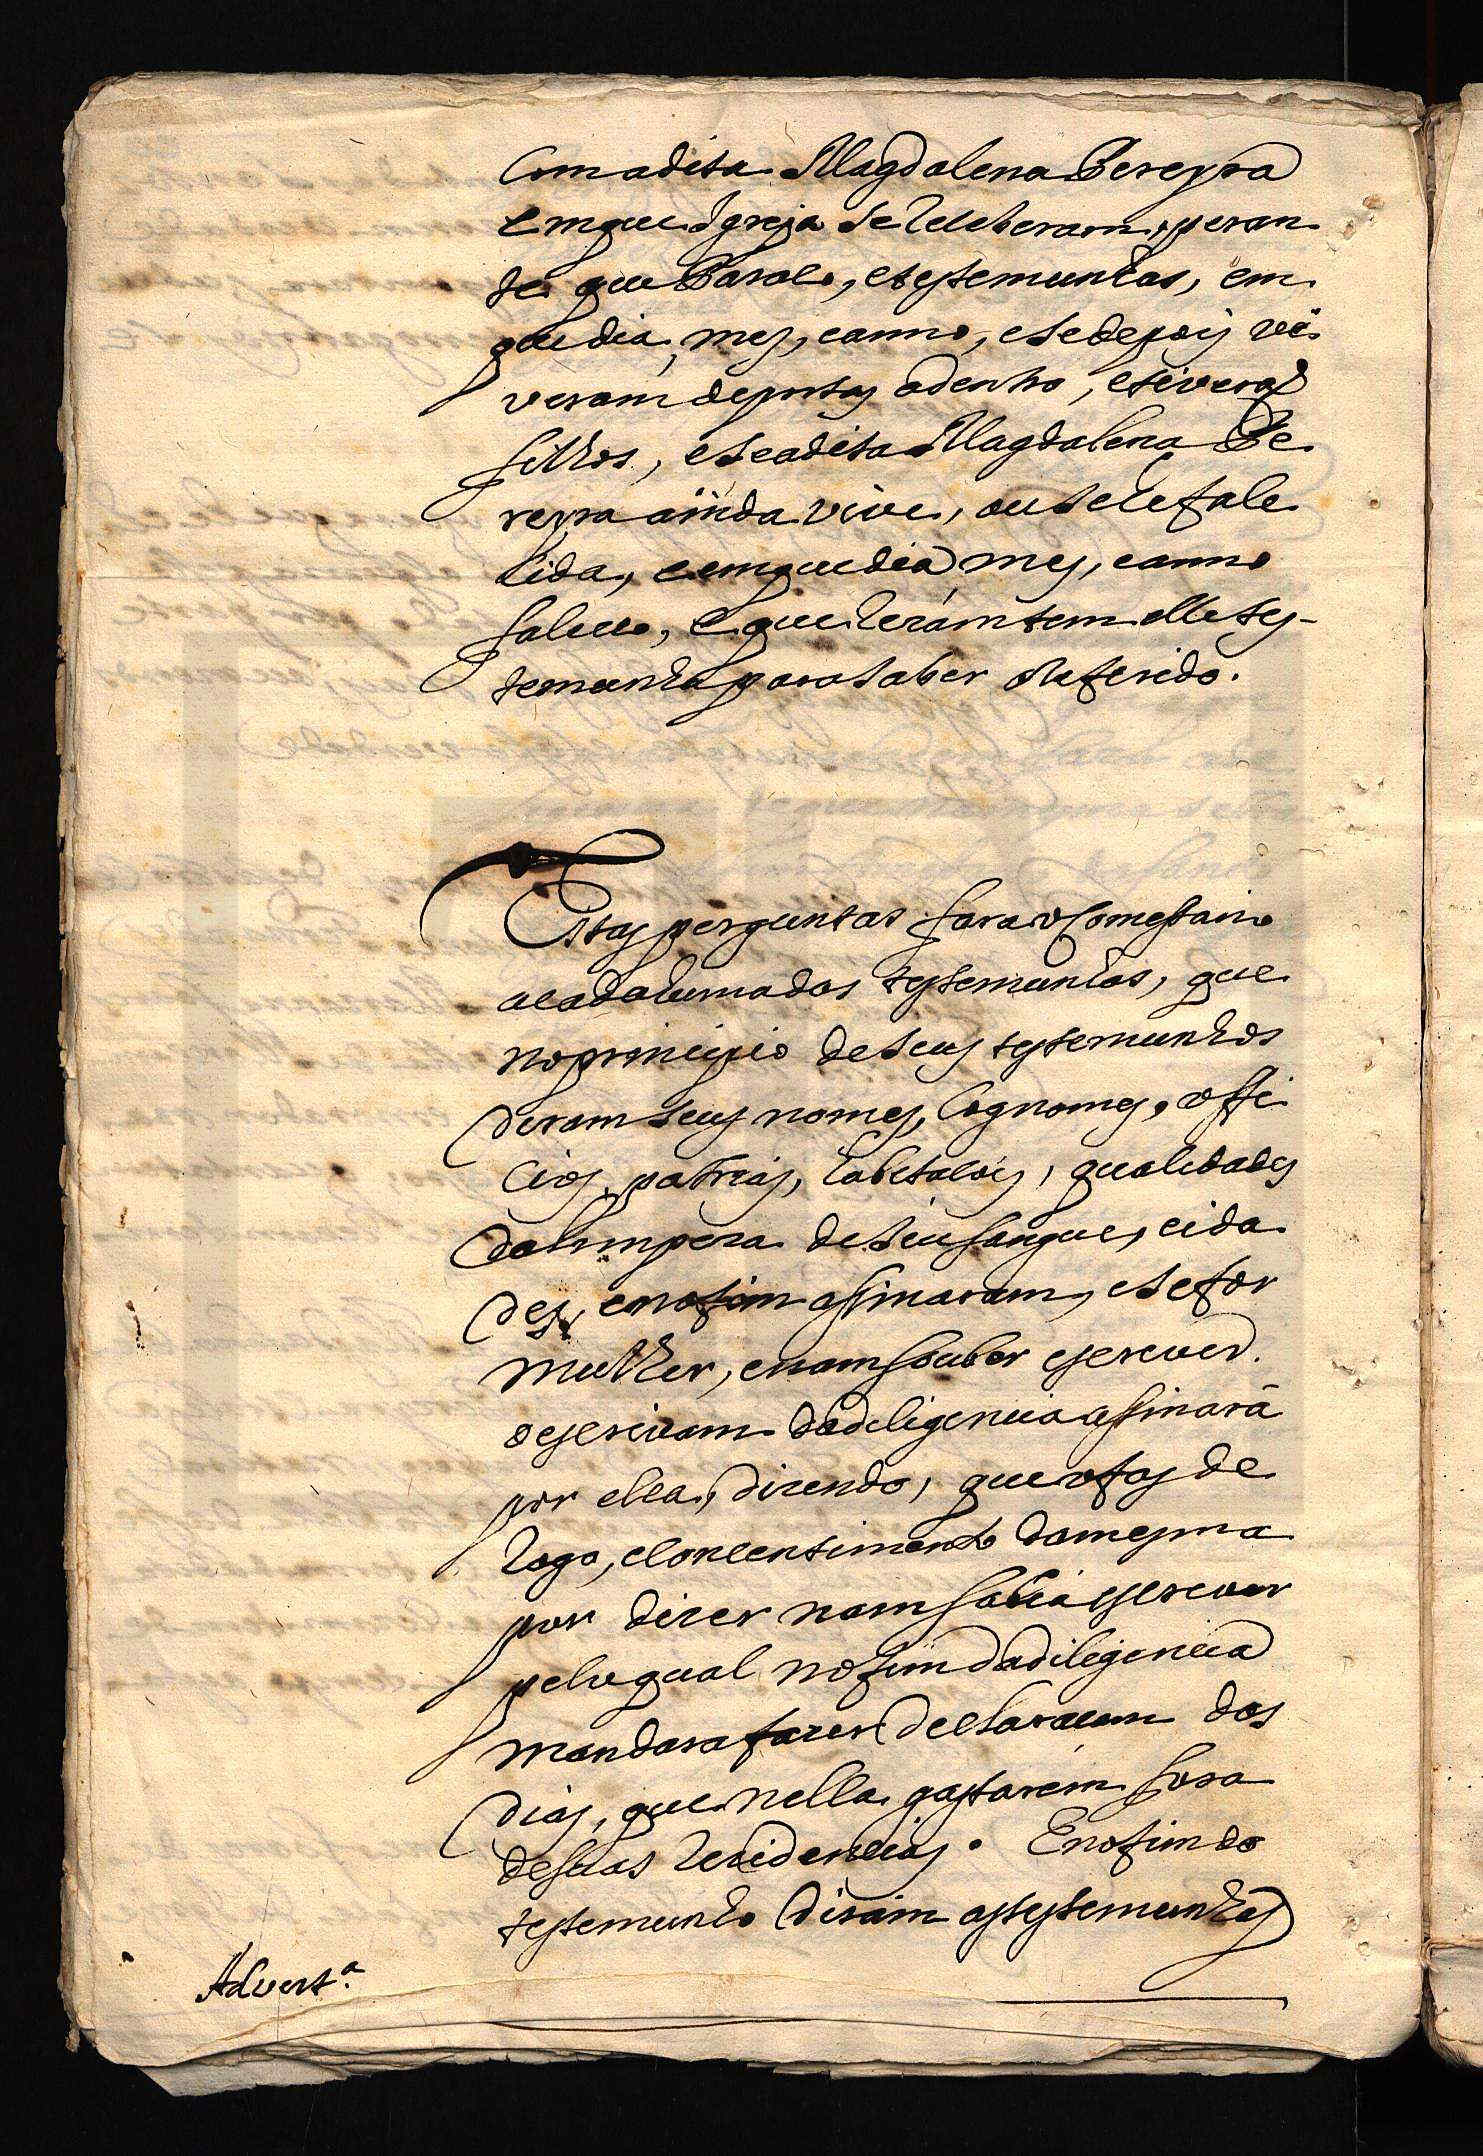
Com a dita Magdalena Pereyra
em que Igreja se Receberam, peran
te que Paroco, e testemunhas, em
que dia, mes, e anno, e se depois vi
veram de portas adentro, e tiveraõ
filhos, e se a dita Magdalena Pe
reyra ainda vive, ou se he fale
cida, e em que dia, mes, e anno
faleceo, e que Rezam tem elle tes
temunha para saber o Referido.
Estas perguntas fara o Comessario
a cada huma das testemunhas, que
no principio de seus testemunhos
deram seus nomes, cognomes, offi
cios, patrias, habitaçoẽs, qualidades
da limpeza de seu sangue, e ida
des, e no fim assinaram, e se for
mulher, e nam souber escrever.
o escriuam da deligencia assinará
por ella, dizendo, que o fas de
Rogo, e concentimento da mesma
por dizer nam sabia escrever
pelo qual no fim da diligencia
mandara fazer declaraçam dos
dias, que nella gastarem fora
de suas Rezidencias. E no fim do
testemunho diram as testemunhas
Advert.a
